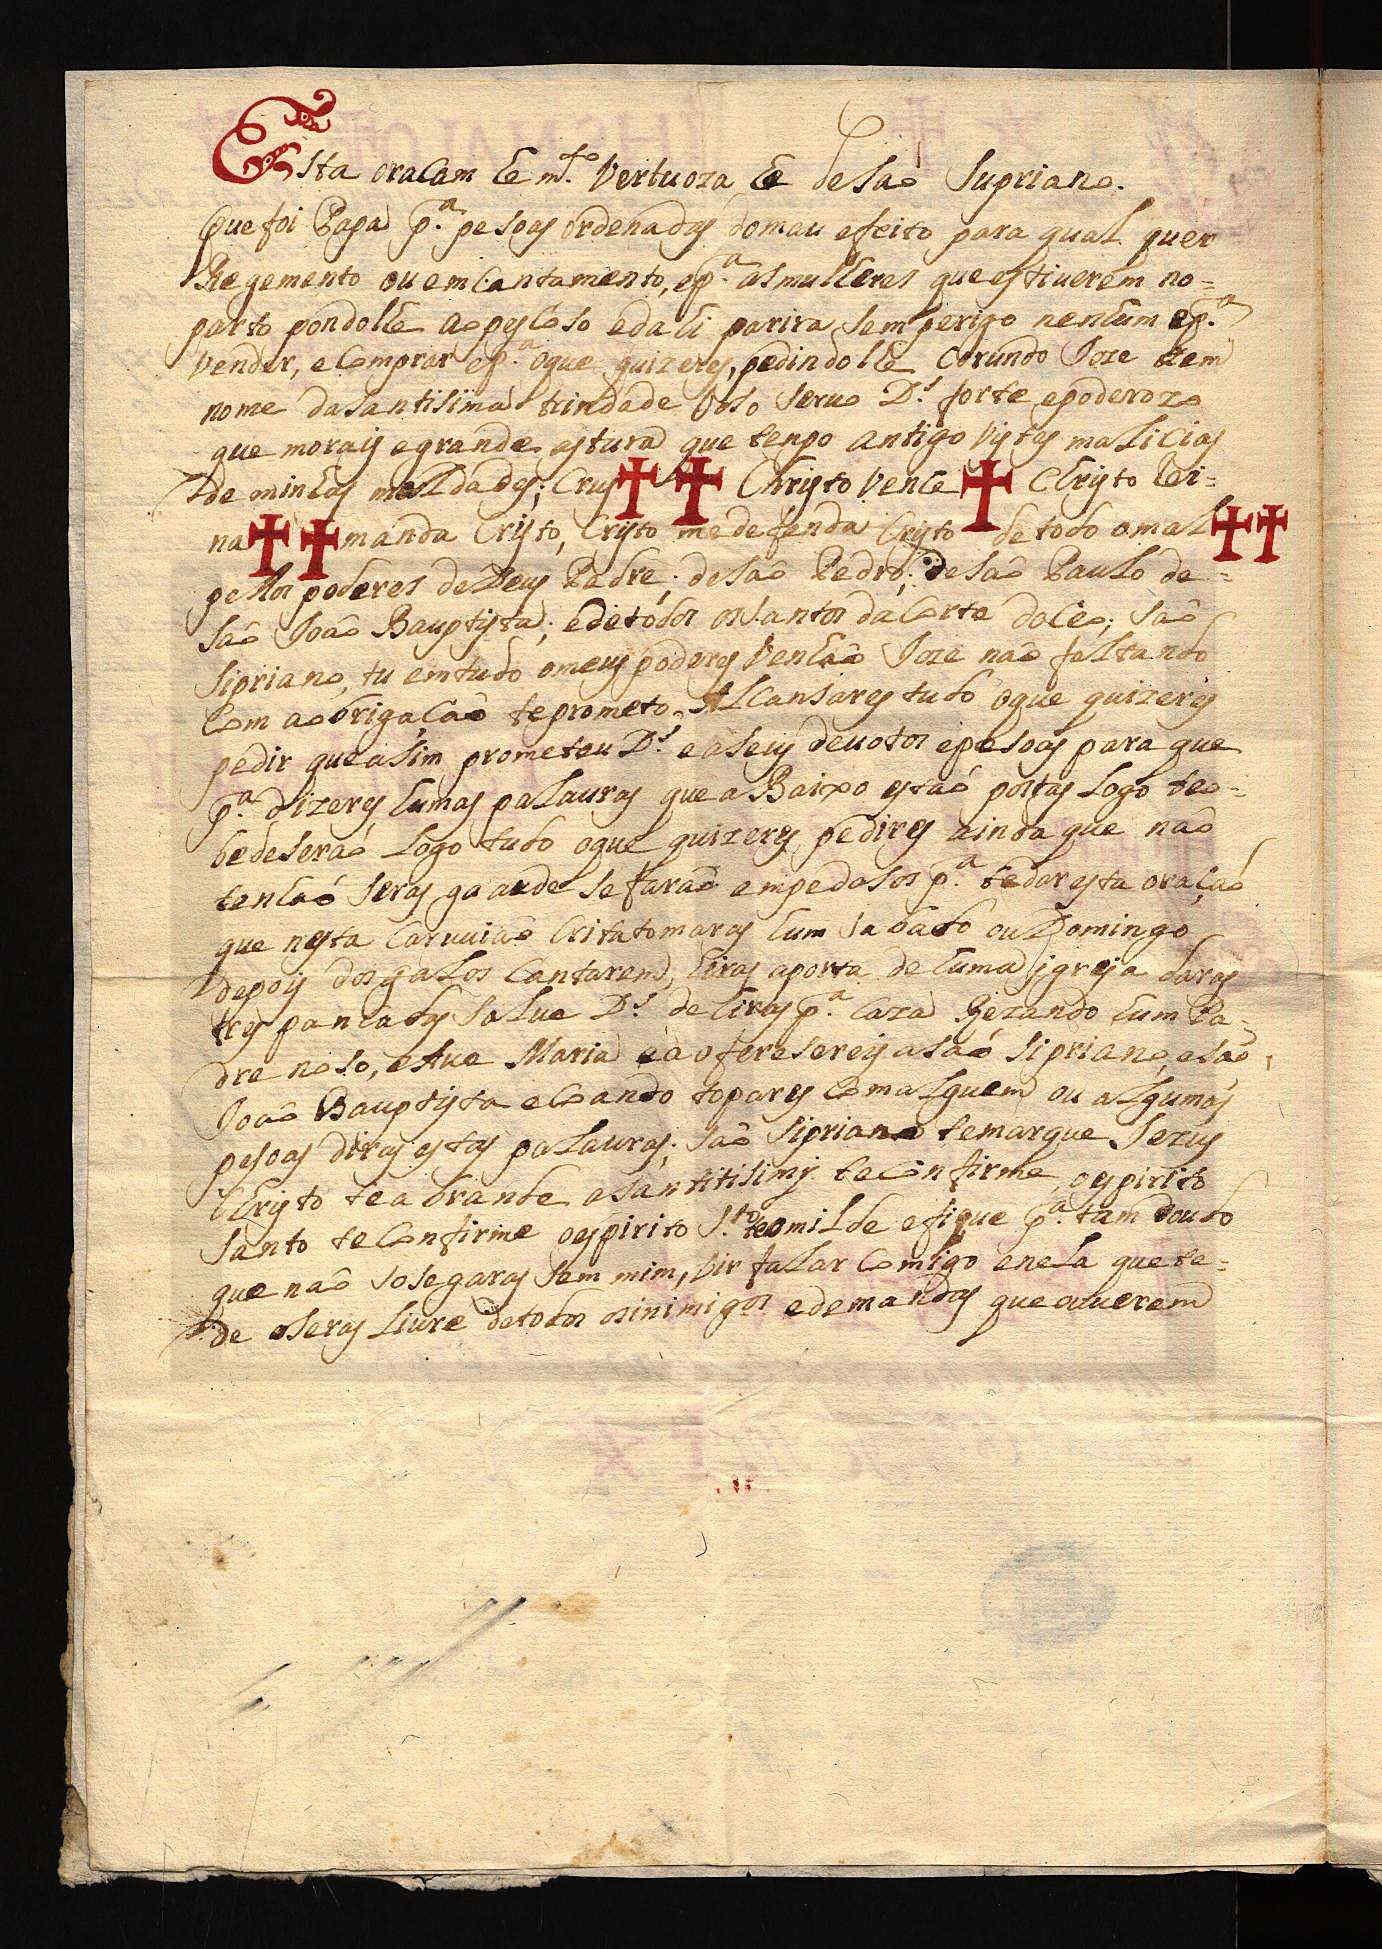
Esta oraçam he m.to vertuoza, he de Saõ Supriano.
Que foi Papa p.a pesoas ordenadas do mau effeito para qualquer
Regemento ou emcantamento, e p.a as mulheres que estiuerem no
parto, pondolhe ao pescoso e dahi parira sem perigo nenhum e p.a
vender, e comprar e p.a o que quizeres, pedindolhe Corundo Ioze e em
nome da Santisima trindade Voso seruo D.s forte e poderozo
que morais a grande astura que tenpo antigo vistes maLicias
de minhas maldades; Crus †† Christo vence † Christo Rei
na †† manda Cristo, Cristo me defenda Cristo de todo o mal ††
pellos poderes de Deus Padre; de Saõ Pedro; de Saõ Paulo de
Saõ Ioaõ Bauptista; e de todos os Santos da Corte do Ceo, Saõ
Sipriano, tu em tudo o meus poderes venhaõ Ioze naõ faltando
Com a obrigaçaõ te prometo Alcansares tudo o que quizeres
pedir que asim prometeu D.s aa seus deuotos e pesoas para que
p.a dizeres, humas palauras que aBaixo estaõ postas Logo te o
bedeseraõ Logo tudo o que quizeres pedires ainda que naõ
tenhaõ seras gaarde se faraõ em pedasos p.a te dar esta oraçaõ
que nesta Caruuiaõ Crita tomaras hum sabado ou Domingo
depois dos galos Cantarem, hiras a porta de huma jgreja daras
tres pancadas Salue D.s de hiras p.a caza Rezando hum Pa
dre noso, e Aue Maria, e a oferesereis a saõ sipriano, e saõ
Joaõ Bauptista e Coando topares Com alguem, ou algumas
pesoas diras estas palauras; saõ Sipriano te marque Jezus
Christo se abrande a santitisimy te confirme, o espirito
Santo te Confirme o espirito S.to te omilde e fique p.a tam doudo
que naõ sosegaras sem mim, vir faLar Comigo e nela que te
de e seras Liure de todos os inimigos e demandas que ouuerem
